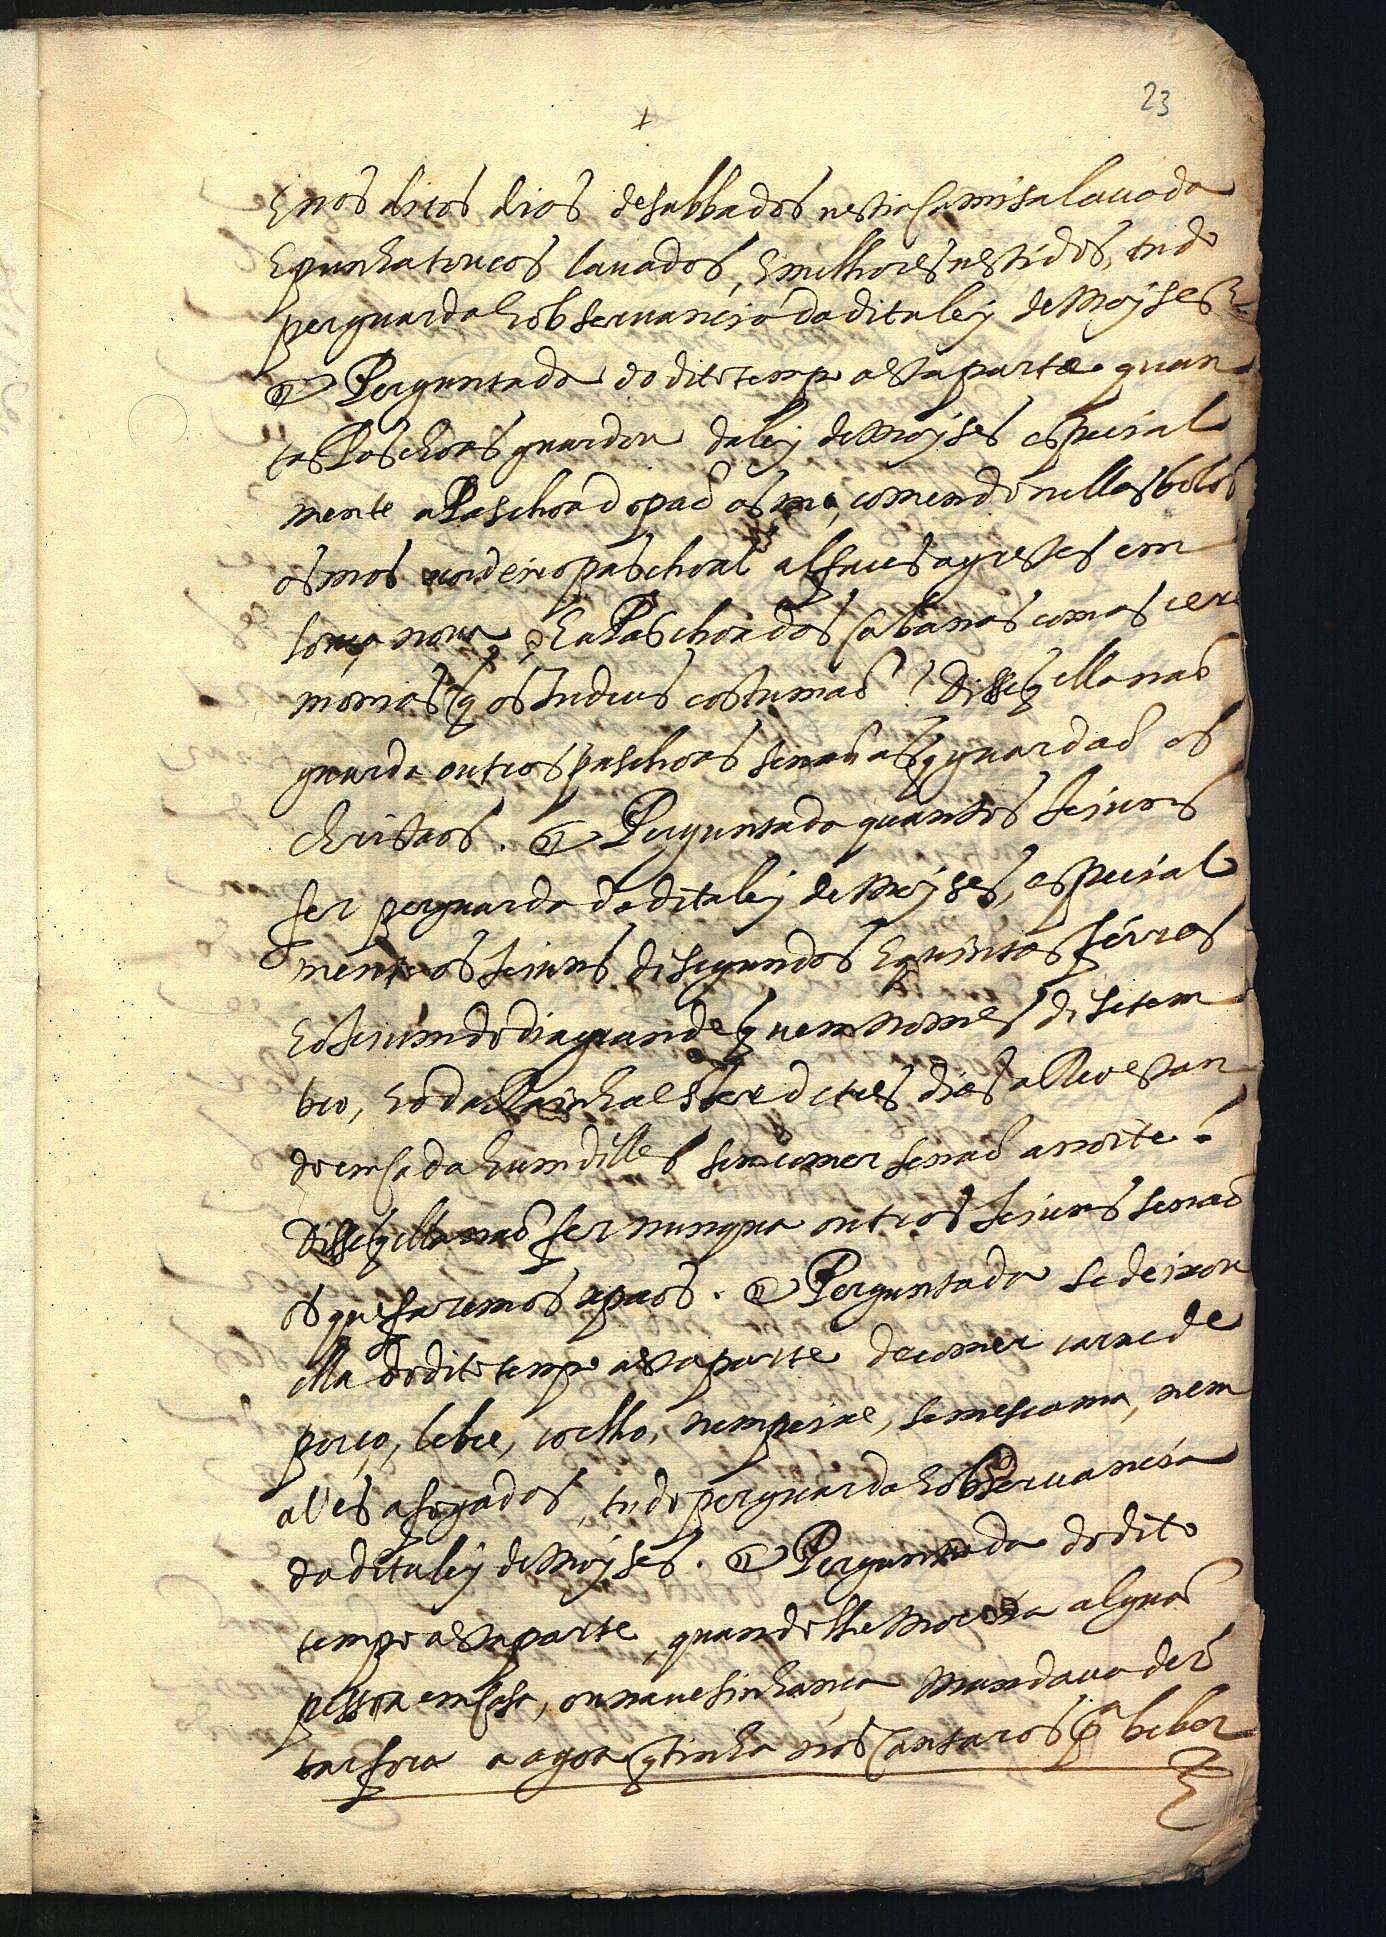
E nos ditos dias de sabbados uestia Camisa lauada
E punha toucas lauadas, E milhores uestidos, tudo
per guarda E obseruancia da dita ley de Moyses
⁋ Perguntada do dito tempo a esta parte quan
tas Paschoas guardou da ley de moyses especial
mente a Paschoa do paõ asmo, comendo nellas bolos
asmos e cordeiro paschoal alfaçes agrestes em
louça noua, E a Paschoa das Cabanas com as cere
monias q̄ os Iudeus costumaõ? Disse q̄ ella naõ
guarda outras paschoas senaõ as q̄ guardaõ os
christaos. ⁋ Perguntada quantos Jeiuns
fez per guarda da dita ley de moyses, especial
mente os Jeiuns de segundas E quintas feiras
E o Jeium do dia grande q̄ uem no mes de setem
bro, E o da Rainha ester de tres dias o Reo estan
do em Cada hum delles sem comer senaõ a noite?
Disse q̄ ella naõ fez nunqua outros Jeiuns senaõ
os que fazem os xpaos. ⁋ Perguntada se deixou
ella do dito tempo a esta parte de comer carne de
porço, lebre, coelho, nem peixe, sem escama, nem
aVes afogadas, tudo per guarda E obseruancia
da dita ley de moyses. ⁋ Perguntada do dito
tempo a esta parte, quando lhe mor_ia alguā
pessoa em Casa, ou na uesinhança mandaua dei
tar fora a agoa q̄ tinha nos Cantaros pa beber
